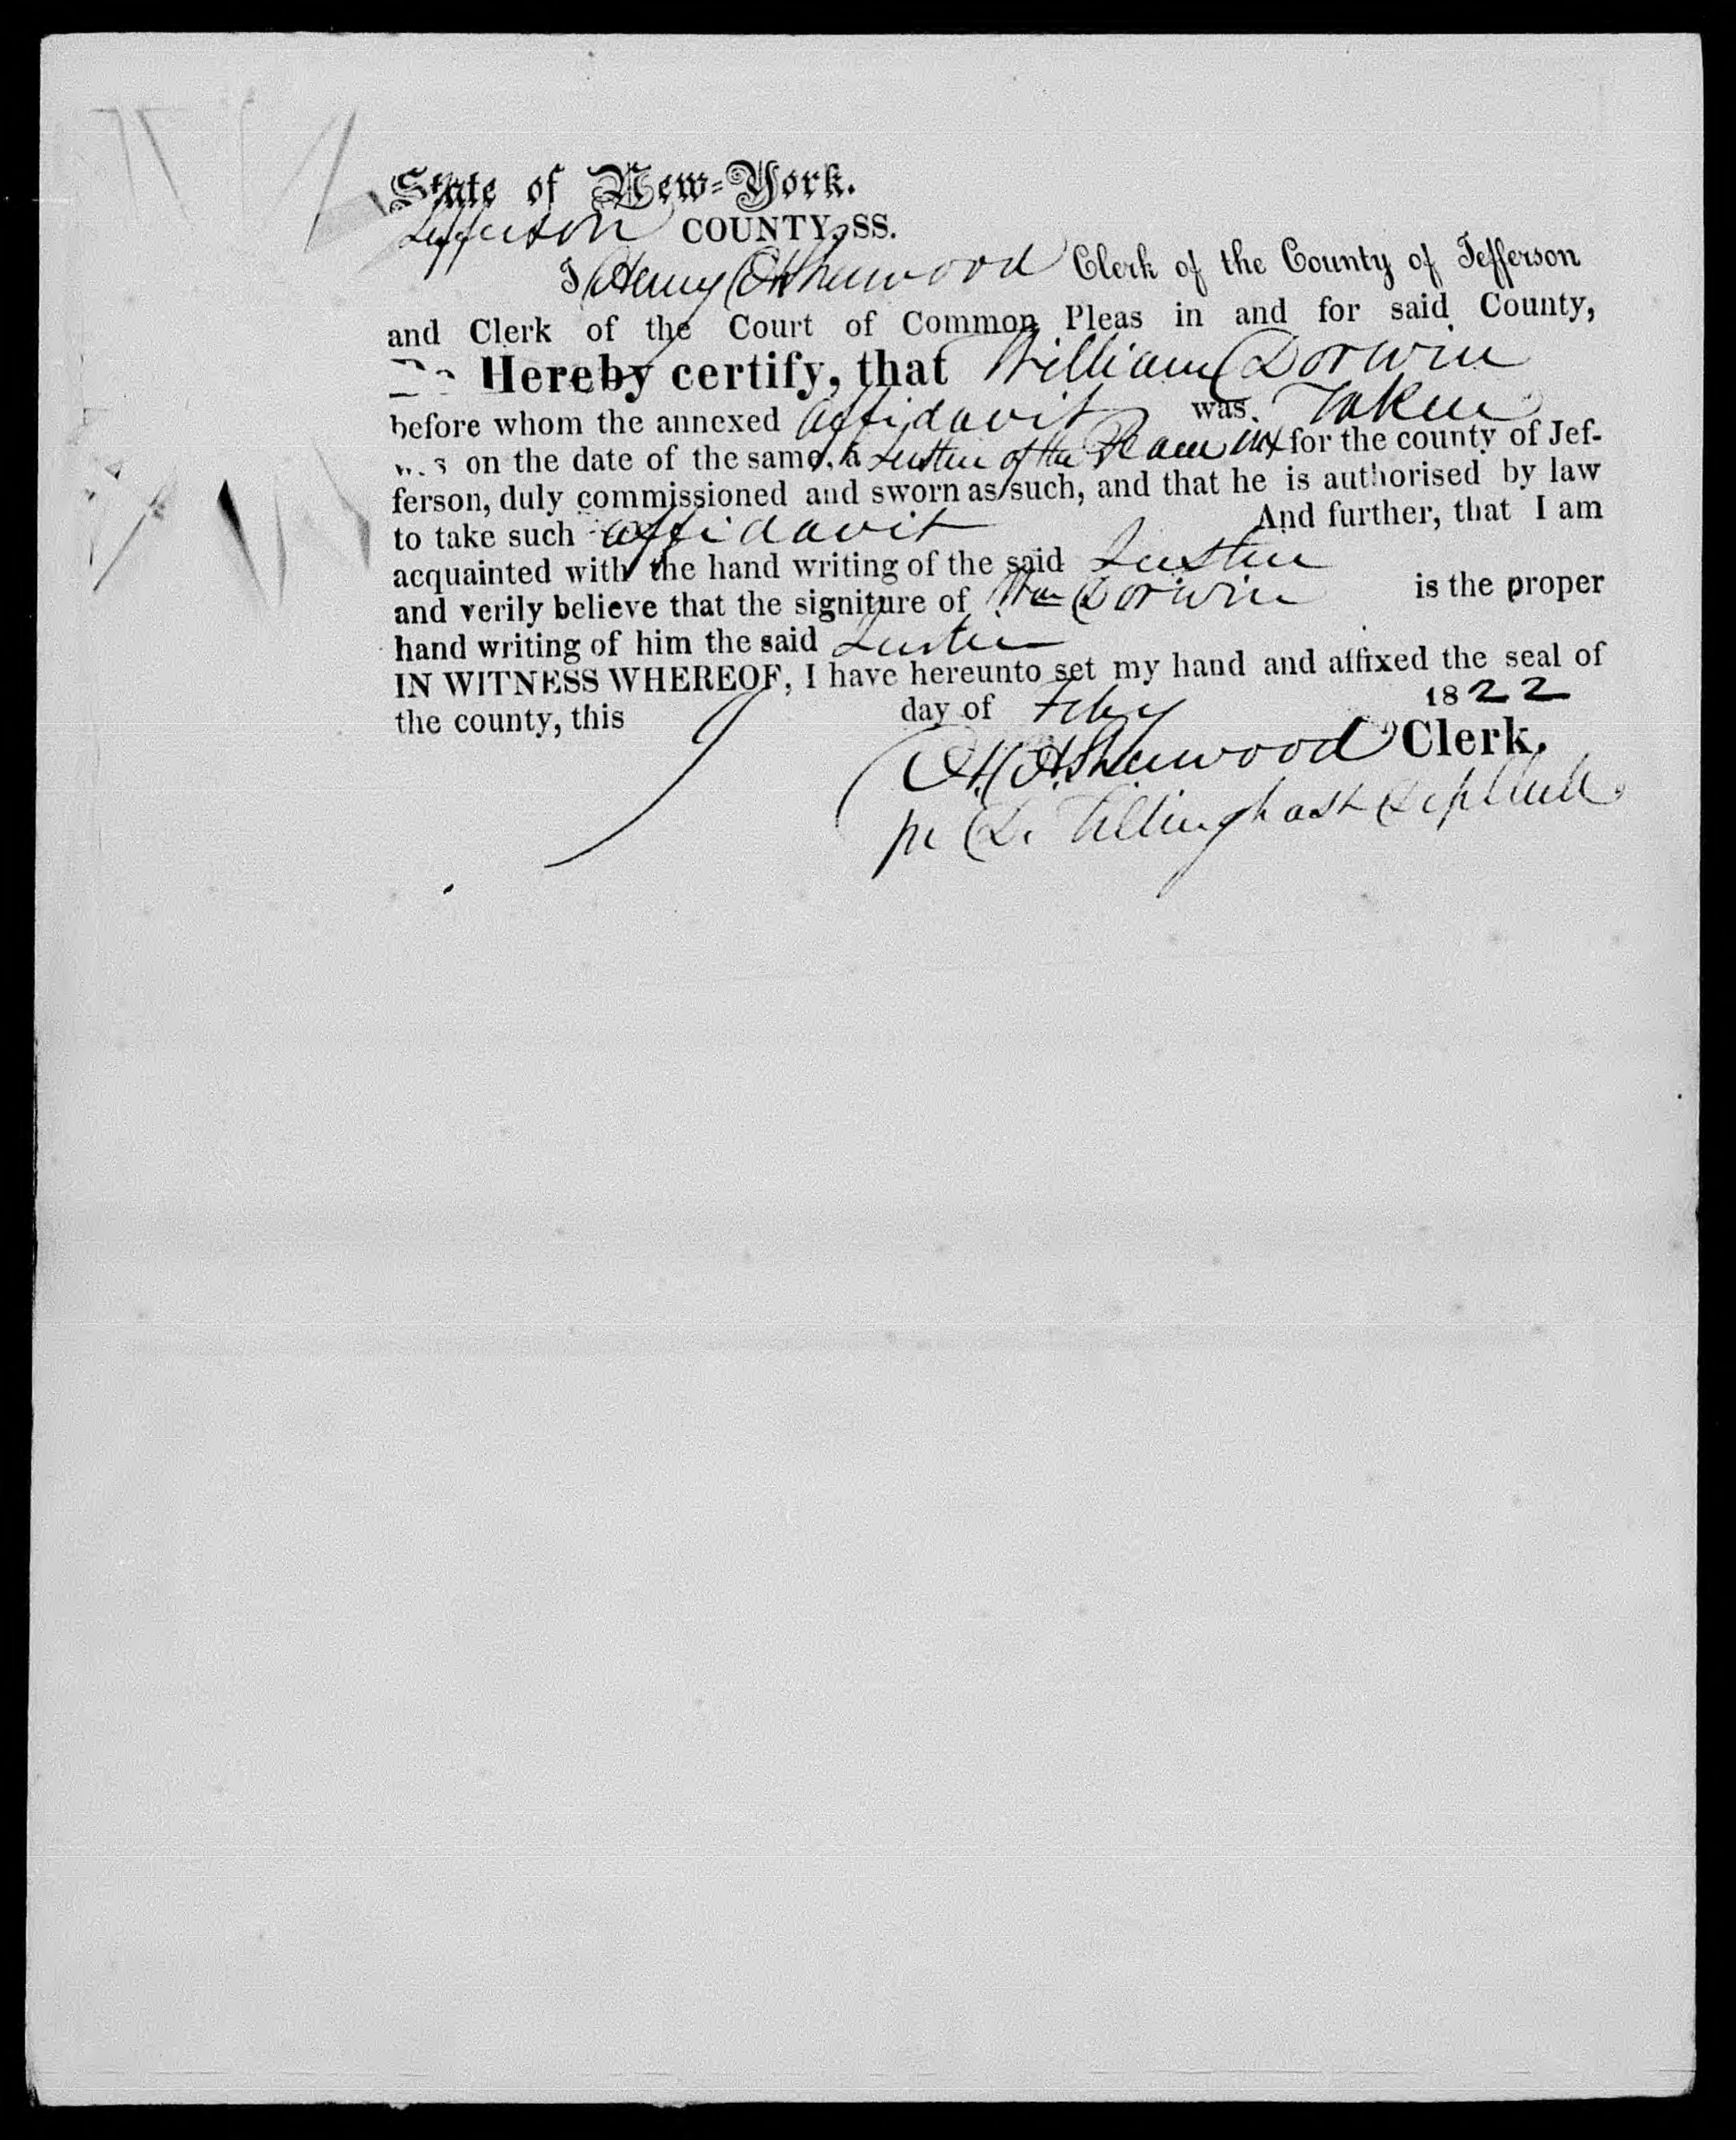[Seal on left margin]

State of New York.
Jefferson COUNTY, SS.
I Henry H. Sherwood Clerk of the County of Jefferson
and Clerk of the Court of Common Pleas in and for said County,
Do Hereby certify, that William Dorwin
before whom the annexed affidavit was taken
was on the date of the same, a Justice of the Peace inx for the county of Jefferson,
duly commissioned and sworn as such, and that he is authorised by law
to take such affidavit And further, that I am
acquainted with the hand writing of the said Justice
and verily believe that the signature of Wm  Dorwin is the proper
hand writing of him the said Justice
IN WITNESS WHEREOF, I have hereunto set my hand and affixed the seal of
the county, this 9 day of Feby 1822 
H. H. Sherwood Clerk,
D. Tillinghast [illegible]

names: William Dorwin, Wm Dorwin, H H Sherwood, D Tillinghast, Henry H Sherwood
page: 32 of 46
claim: widow's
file: W. 23022, Thomas Farr, N.H.